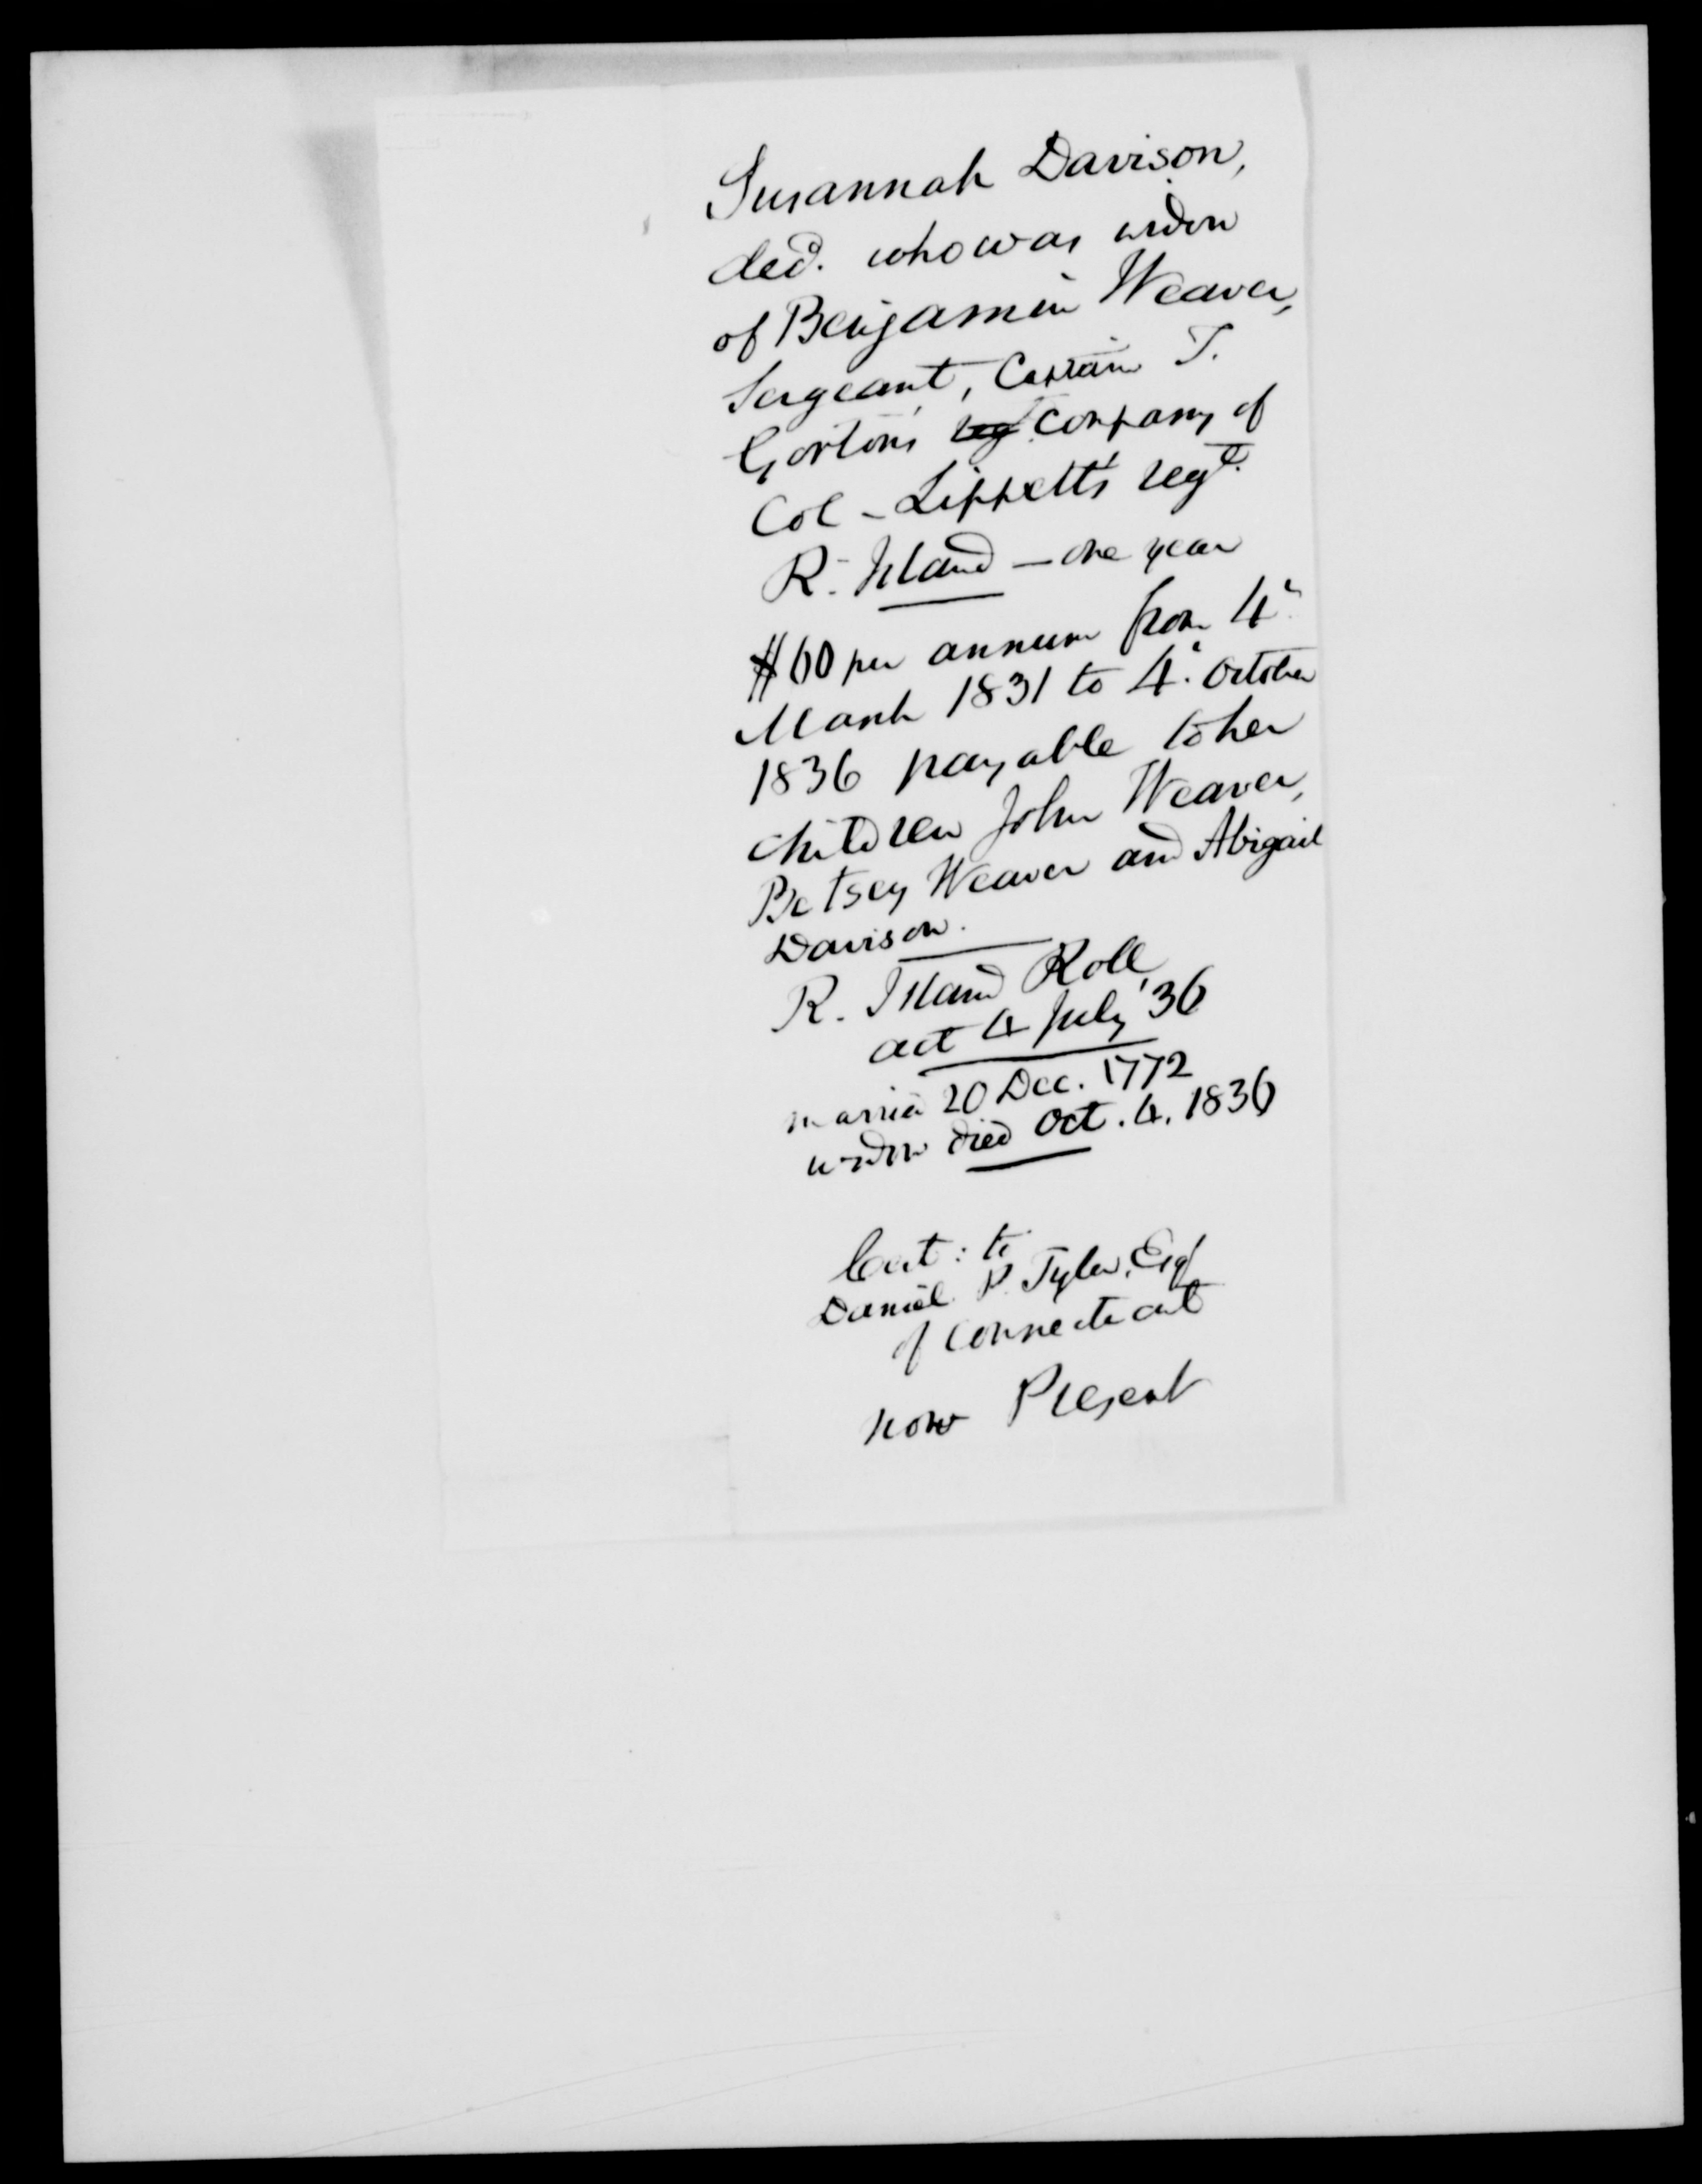Susannah Davison, Dec. who was widow of Benjamin Weaver, Sargeant, Captilan T Gorton company of Col Lippitts Reg’t.
R. Island— on year $60 per annum from 4 March 1831 to 4.’ October 1836 payable to her children John Weaver, Betsey Weaver and Abigail Davison
________

R. Island Roll Act 4 July ‘36
Married 20 Dec 1772
Widow died Oct.4, 1836

Cert: to Daniel P Tyler, Esq of Connecticut now 
Present [?]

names: Daniel P Tyler, Susannah Davison, Benjamin Weaver, Betsey Weaver, John Weaver, Abigail Davison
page: 46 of 53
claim: widow's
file: W 17707, Benjamin Weaver, R.I.